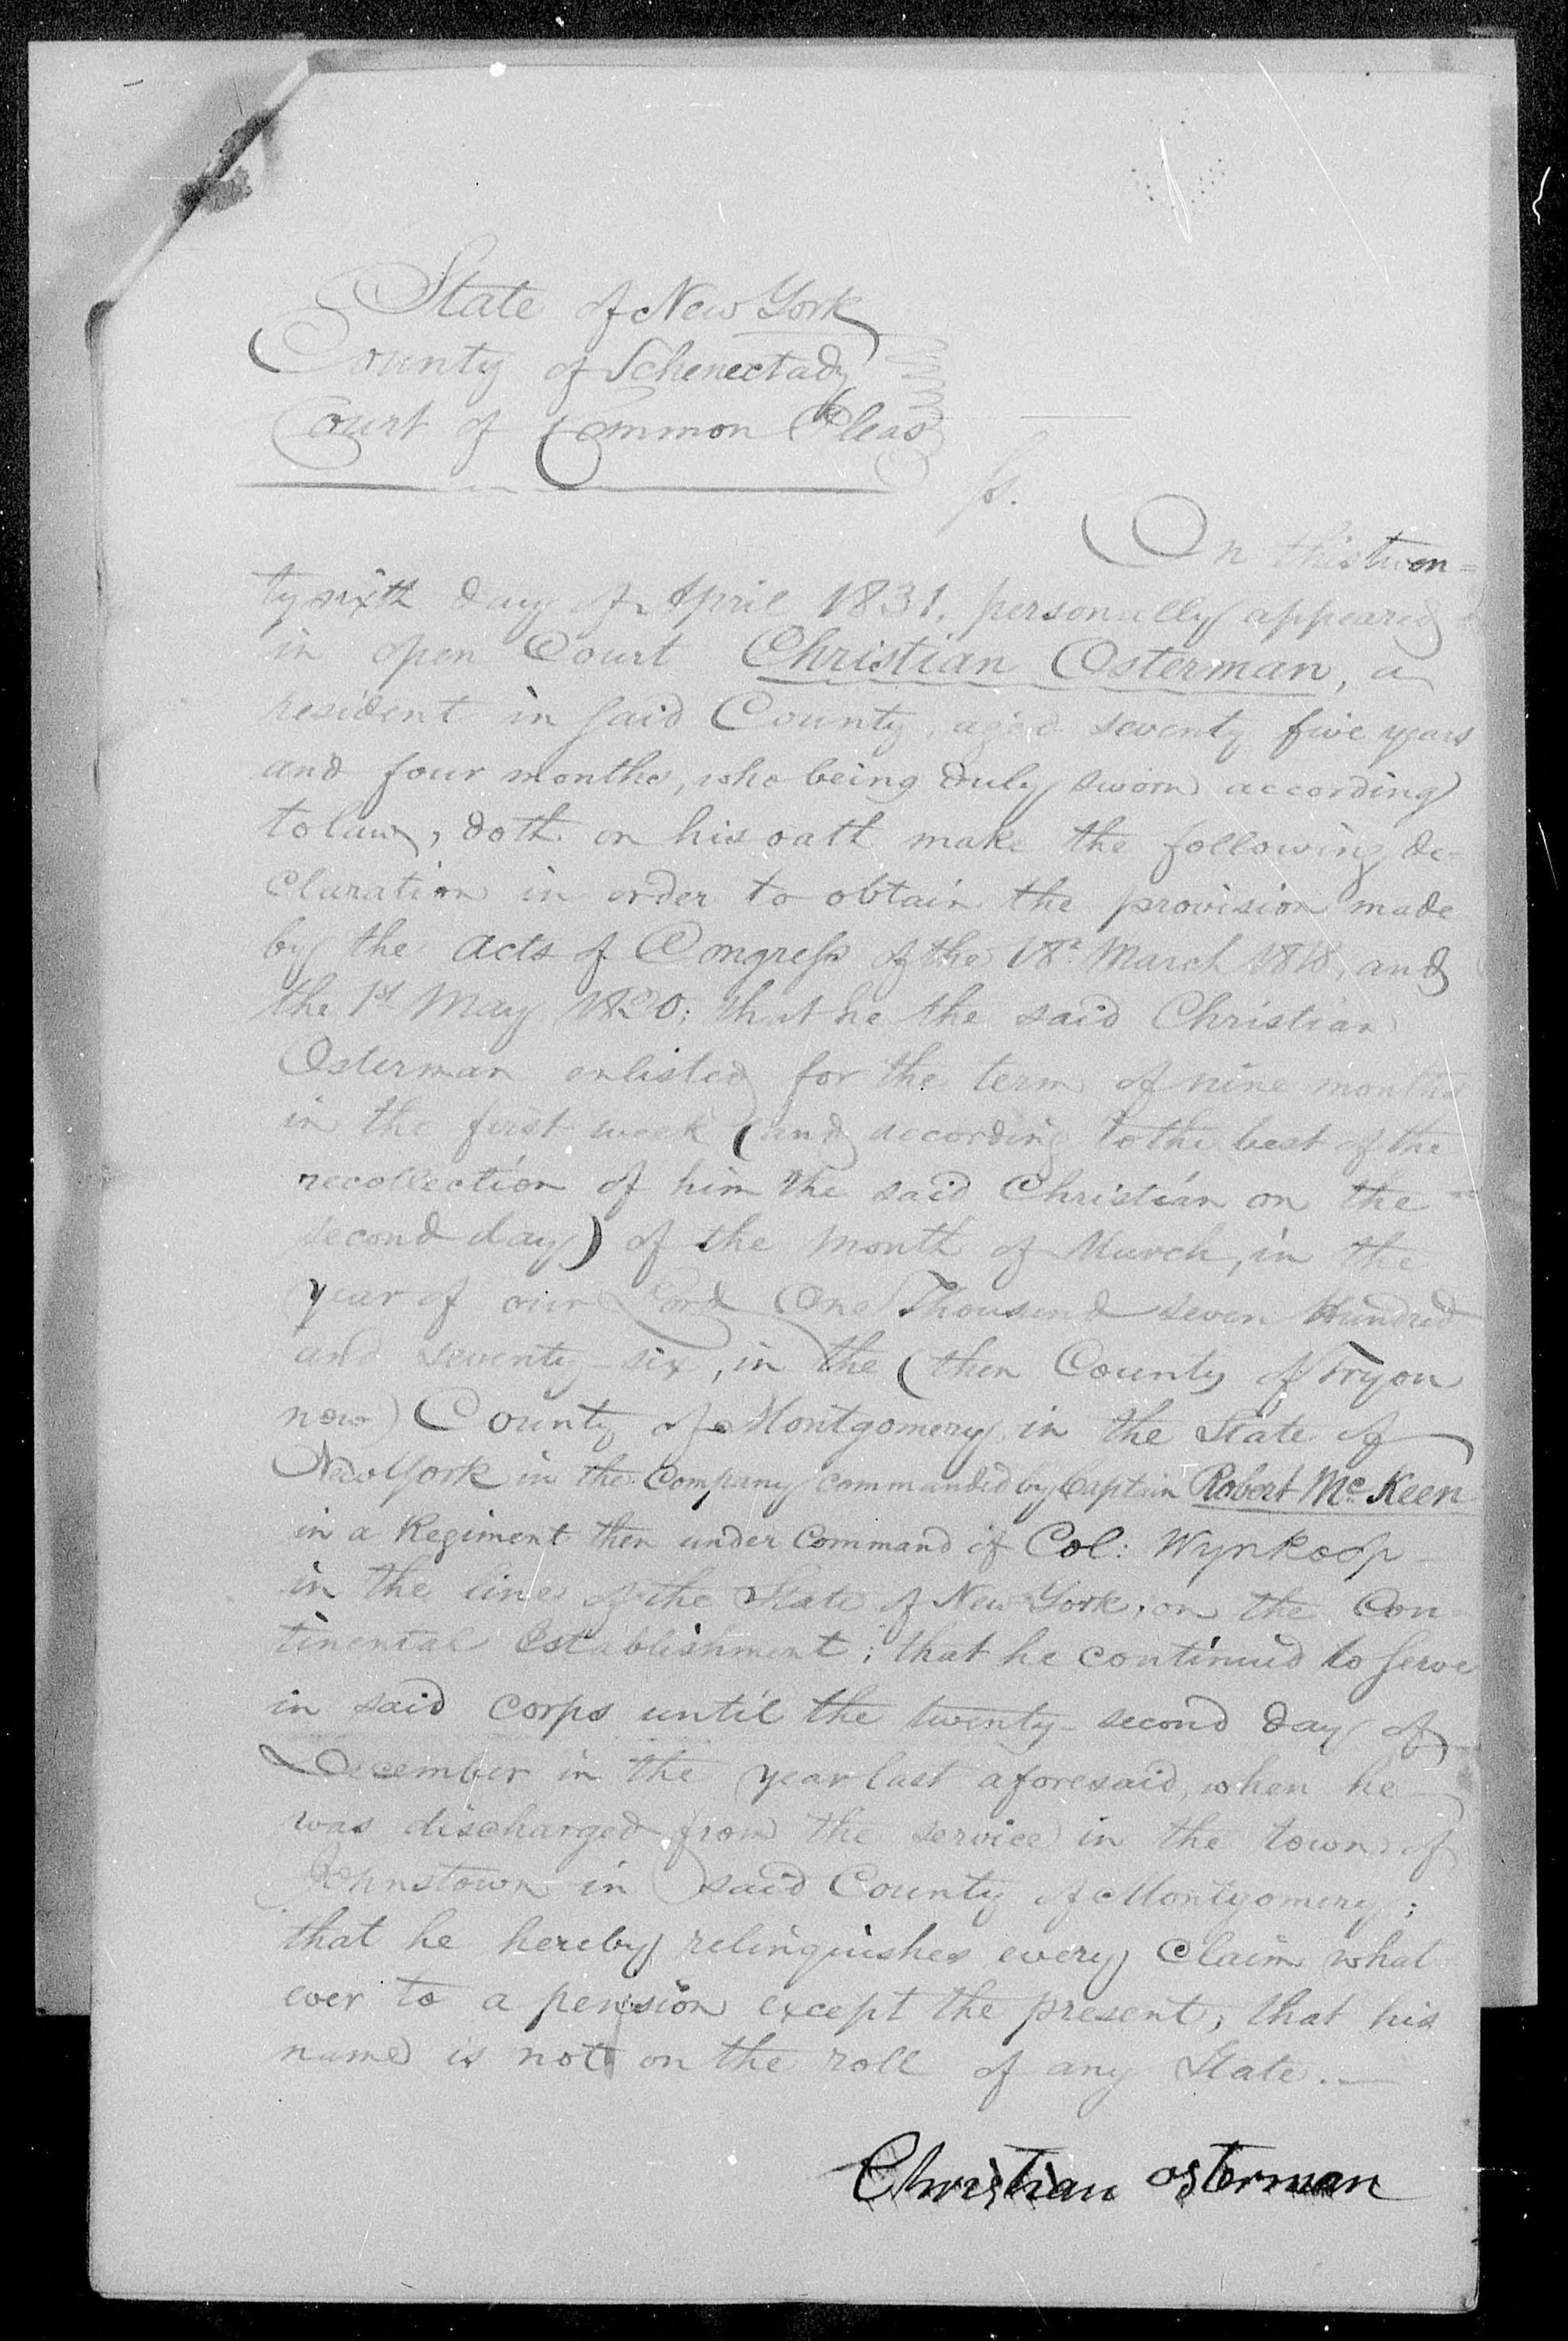State of New York
County of Schenectady
Court of Common Pleas ss.
On this twenty sixth day of April 1831, personally appeared in Open Court Christian Osterman a resident in said County, aged seventy five years and four months, who being duly sworn according to law, doth on his oath make the following declaration in order to obtain the provision made by the Acts of Congress of the 18th March 1818, and the 1st May 1820, that he the said Christian Osterman enlisted for the term of nine months in the first week (and according to the best of the recollection of him the said Christian on the second day) of the month of March, in the year of our Lord one thousand seven hundred and seventy six, in the (then County of Tryon now) County of Montgomery in the State of New York in the company commanded by Captain Robert McKeen in a Regiment then under command of Col. Wynkoop in the line of the State of New York, on the Continental Establishment; that he continued to serve in said Corps until the twenty second day of December in the year last aforesaid when he was discharged from the service in the town of Johnstown in said County of Montgomery; that he hereby relinquishes every claim what ever to a pension except the present, that his name is not on the roll of any state. 
Christian Osterman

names: [BLANK] Wynkoop; Christian Osterman; Robert Mc Keen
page: 28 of 40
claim: widow's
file: W. 21876, for Christian Osterman, New York